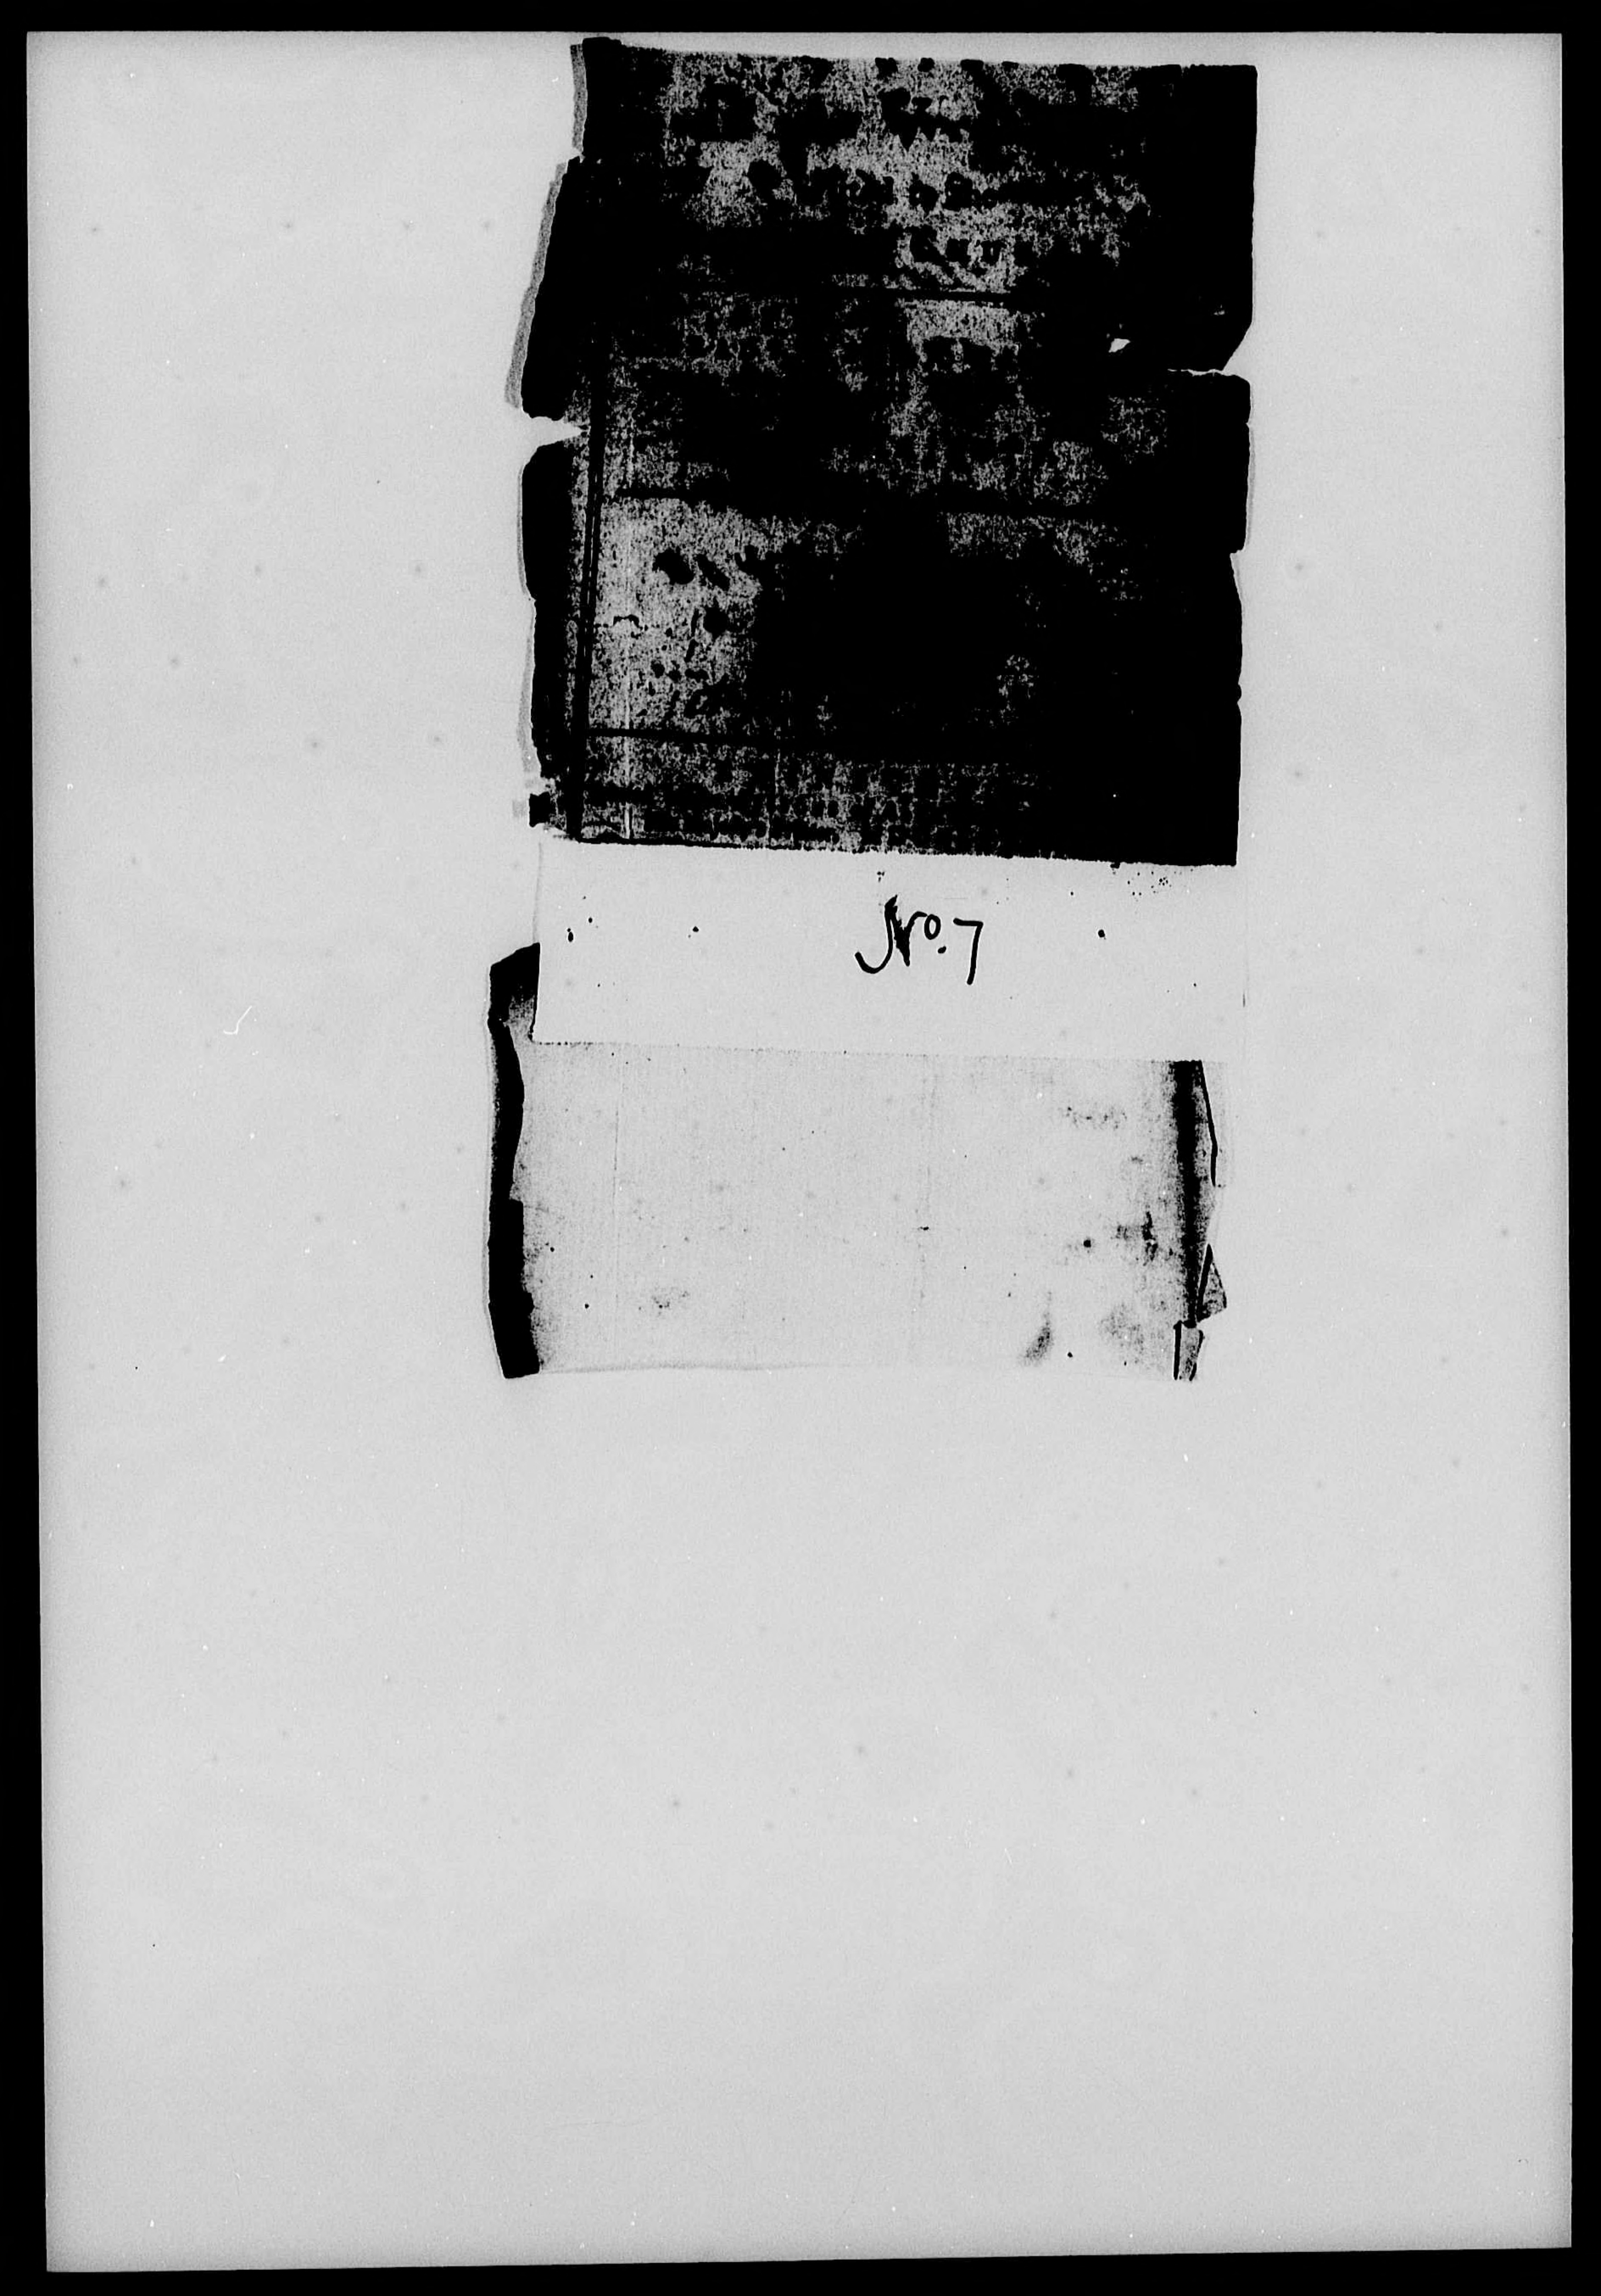No. 7

[there appears to be a scanned piece of paper but it is blacked out and cannot be determined what it is]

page: 7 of 69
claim: widow's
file: W. 25562, Abijah Elwood, Conn.